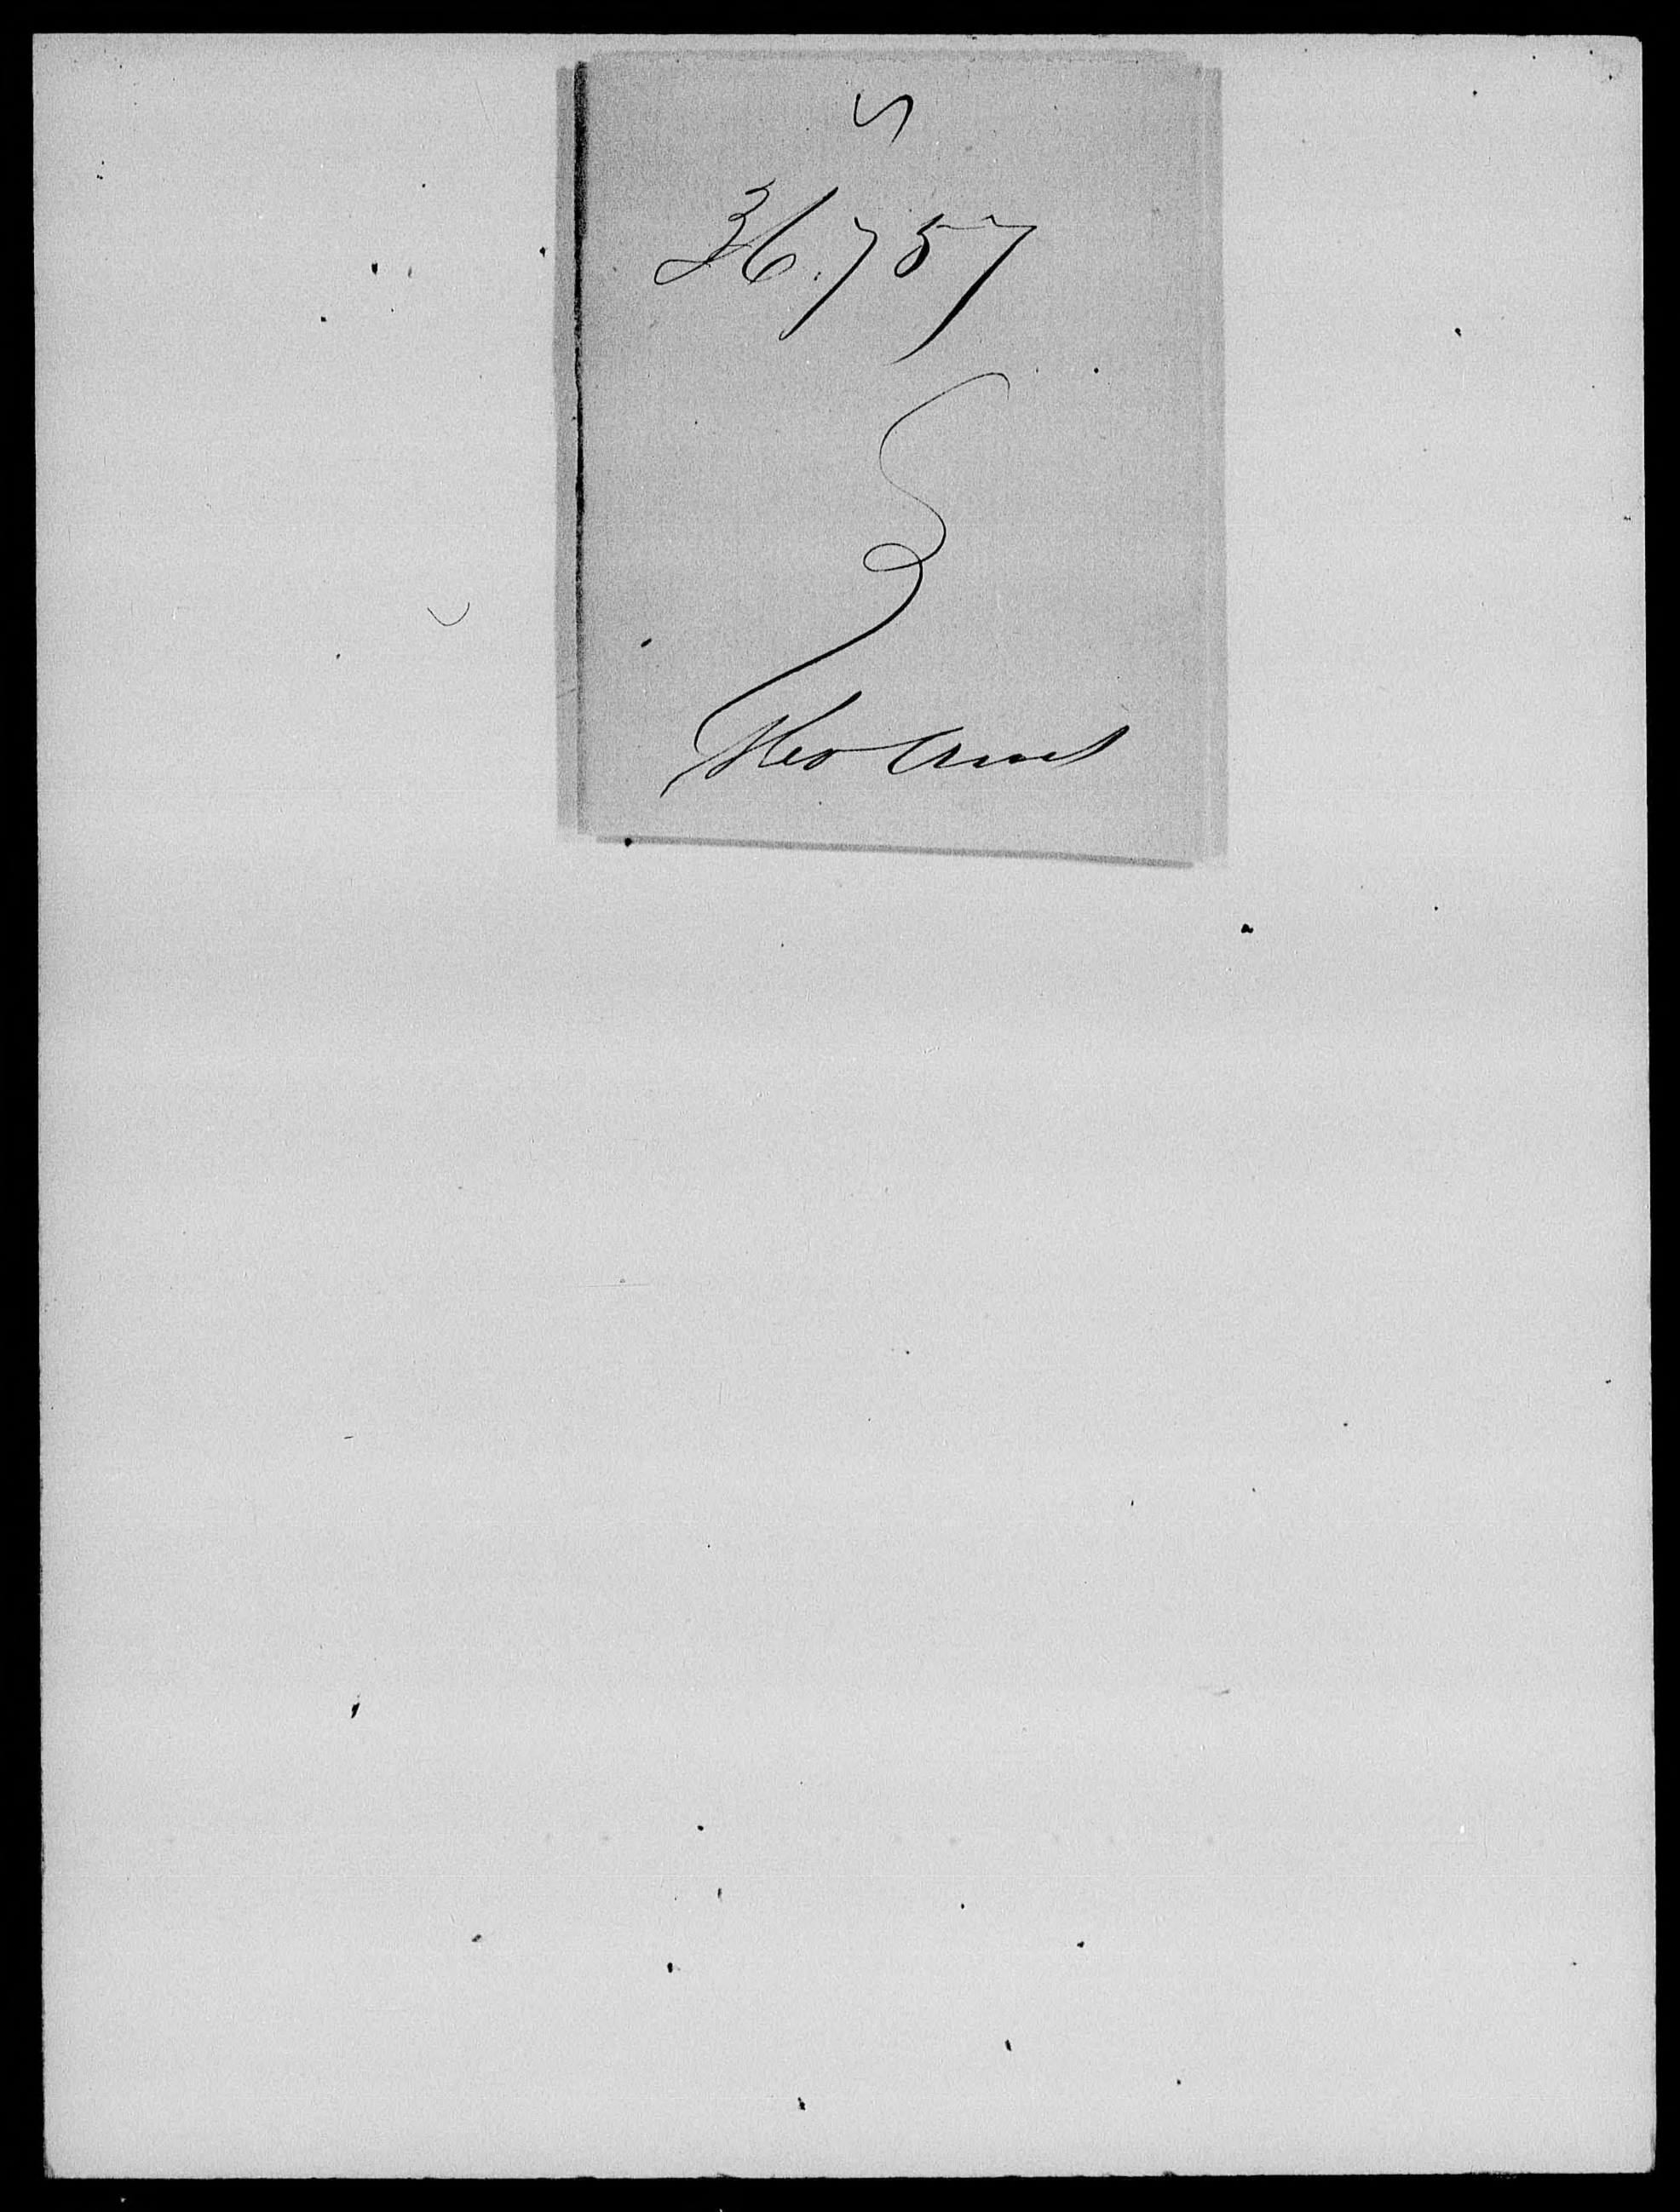~
36.757
[Theo Creach; signature illegible]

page: 22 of 39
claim: widow's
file: W. 11060, Benjamin Gosnell, Va.